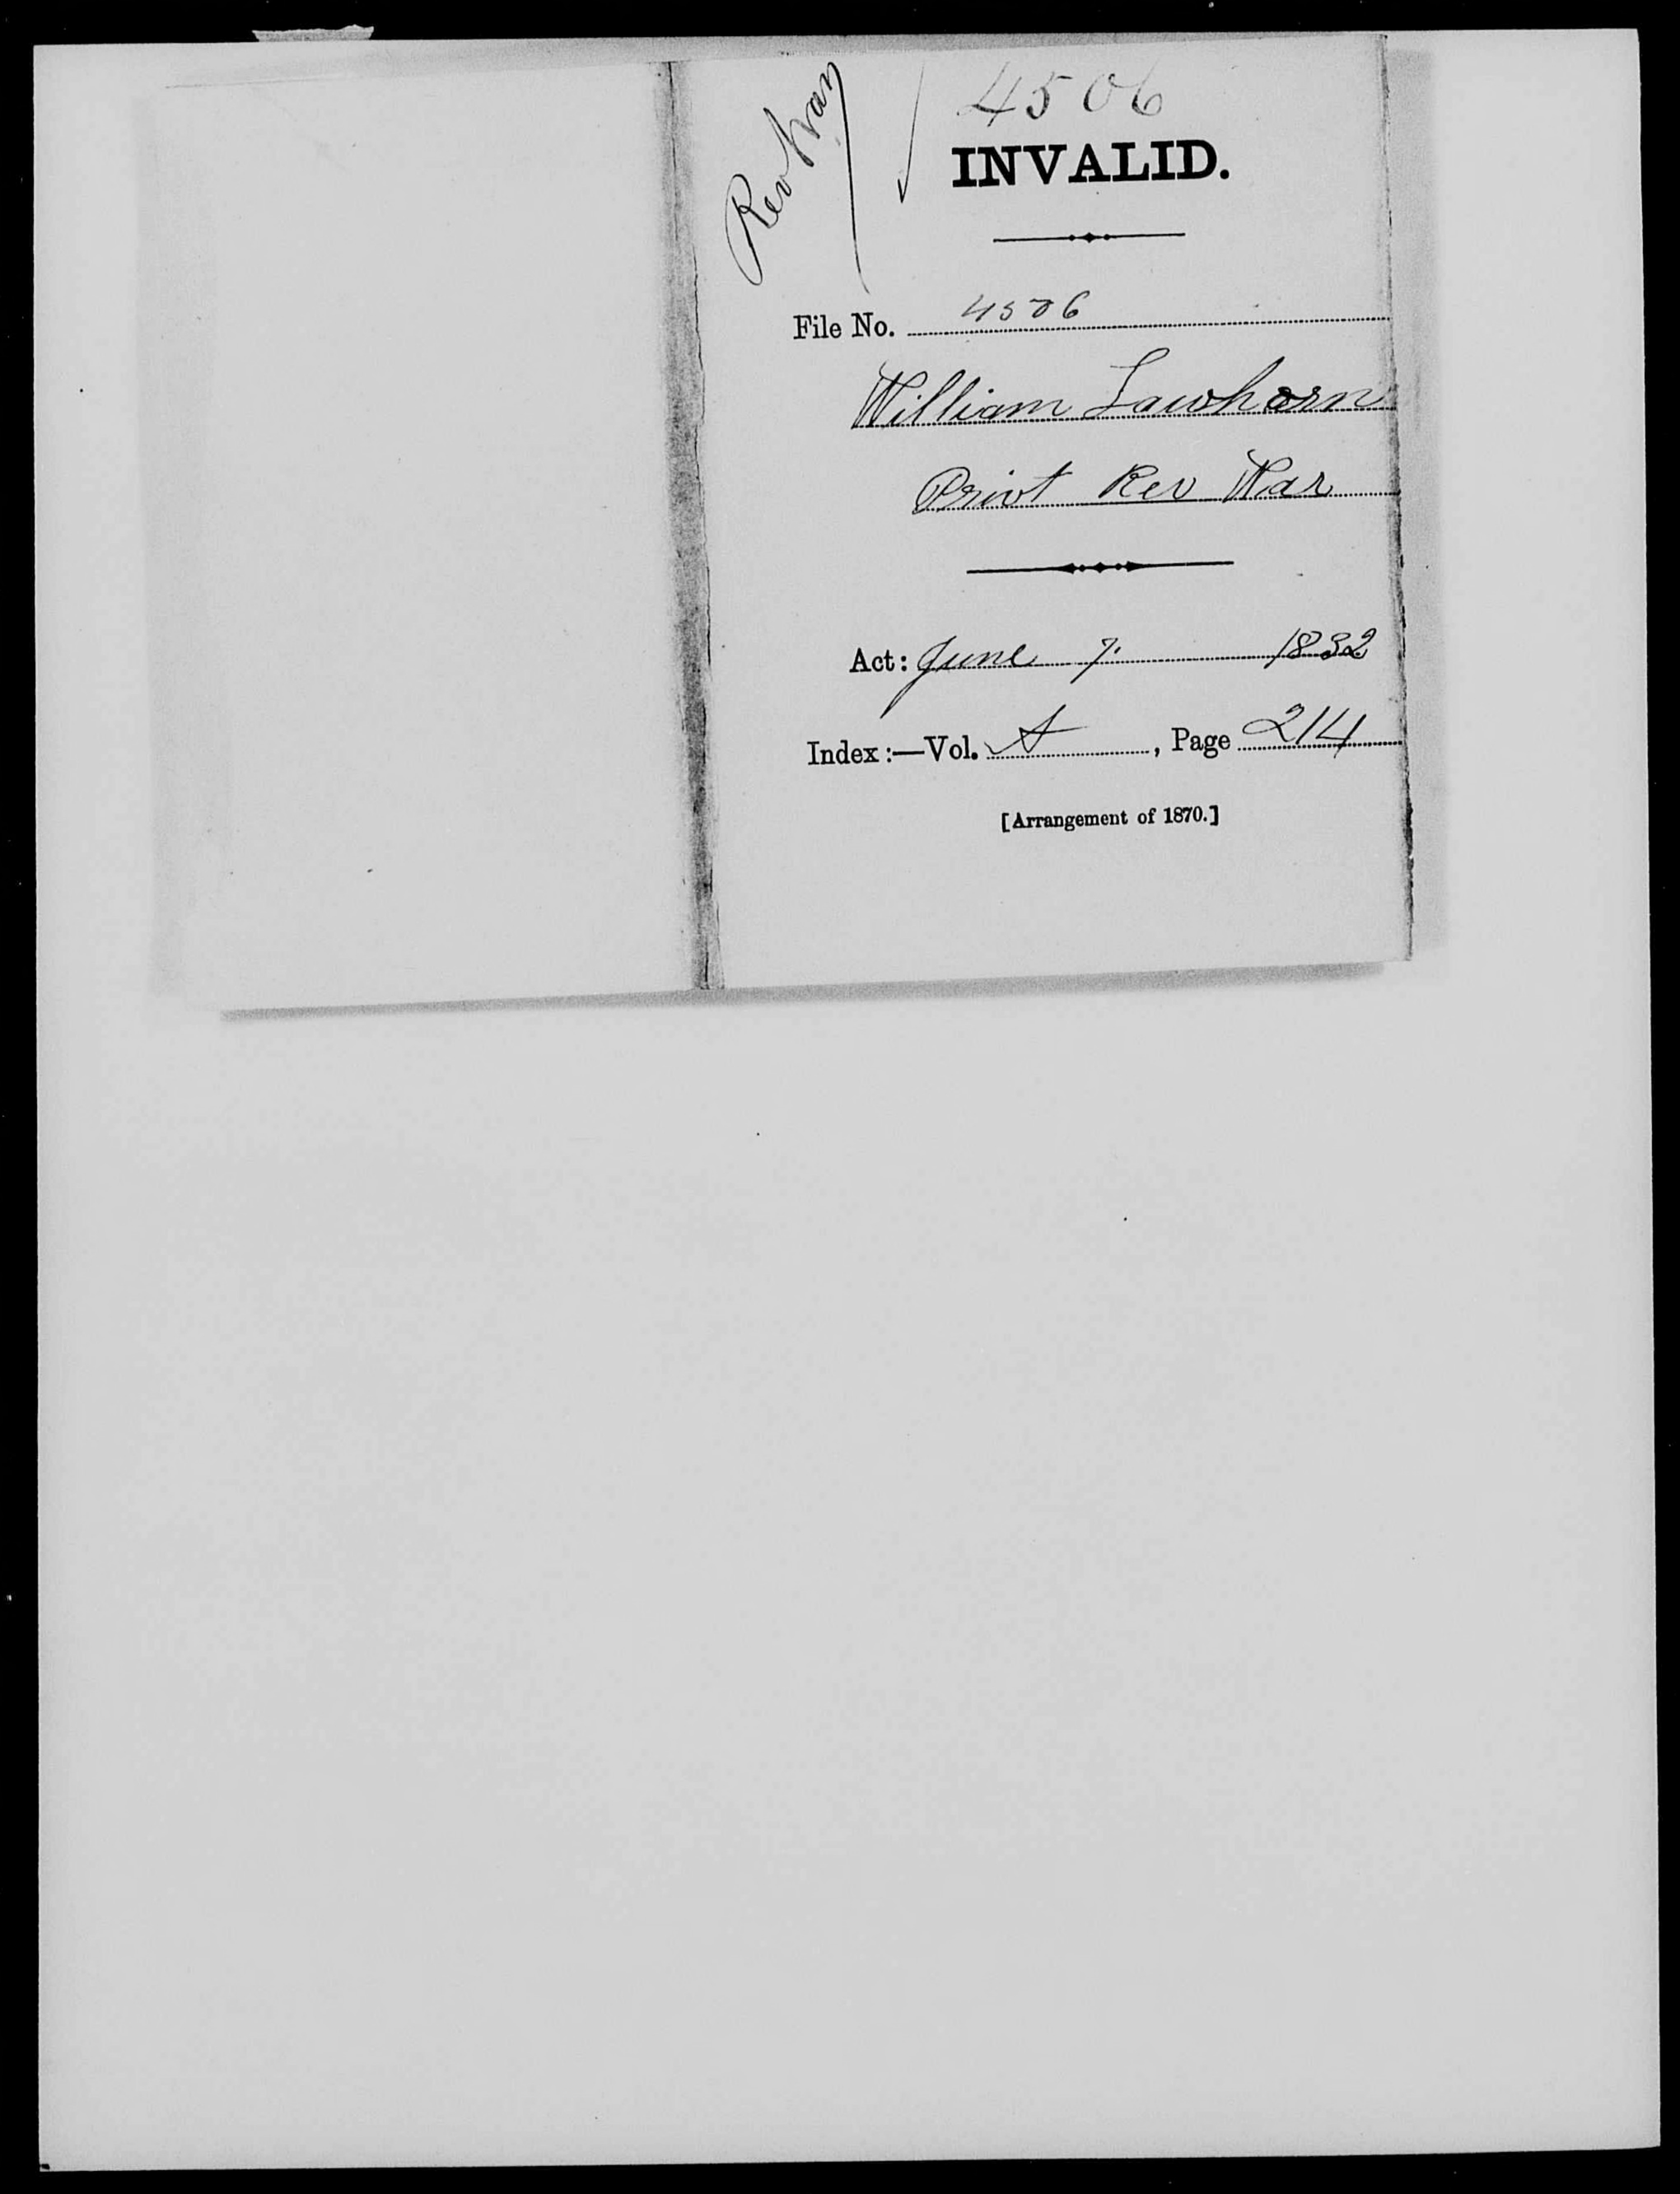Rev War
4506
INVALID.
File No. 4506
William Lawhorn
Privt Rev War

Act:  June 7  1832
Index:-Vol. A, Page 214

[Arrangement of 1870.]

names: William Lawhorn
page: 12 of 16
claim: survivor's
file: S 4506, for William Lawhorn, North Carolina